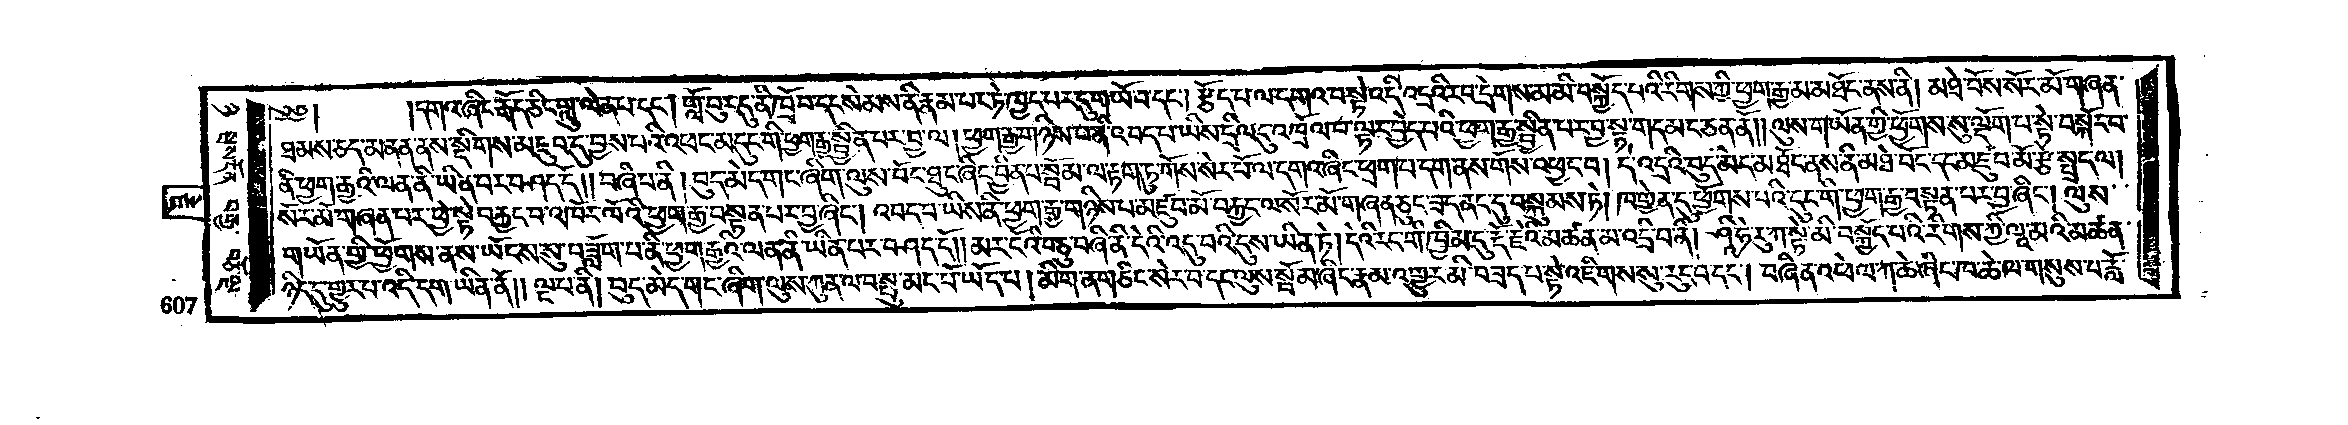༄༅། །དགའ་ཞིང་རྒོད་ཅིང་གླུ་ལེན་པ་དང་། གློ་བུར་དུ་ནི་ཁྲོ་བ་དང་སེམས་ནི་རྣམ་པར་ཏེ་ཁྱད་པར་དུ་གཡོ་བ་དང་། རྩོད་པ་ལ་དགའ་བ་སྟེ་འདི་འདྲའི་རབ་དྲེགས་མ་མི་བསྐྱོད་པའི་རིགས་ཀྱི་ཕྱག་རྒྱ་མ་མཐོང་ནས་ནི། མཐེ་བོས་སོར་མོ་གཞན་
ཐམས་ཅད་མནན་ནས་སྡིགས་མཇུབ་དུ་བྱས་པའི་འཕང་མདུང་གི་ཕྱག་རྒྱ་སྦྱིན་པར་བྱ་ལ། ཕྱག་རྒྱ་གཉིས་པ་ནི་འབད་པ་ཡིས་དྲིལ་དུ་འཁྲོལ་བ་ལྟར་བྱེད་པའི་ཕྱག་རྒྱ་སྦྱིན་པར་བྱ་སྟེ་གདམ་ང་ཅན་ནོ། །ལུས་གཡོན་གྱི་ཕྱོགས་སུ་ལྡོག་པ་སྟེ་བསྐོར་བ་
ནི་ཕྱག་རྒྱའི་ལན་ནི་ཡིན་པར་བཤད་དོ། །བཞི་པ་ནི། བུད་མེད་གང་ཞིག་ལུས་བོང་ཐུང་ཞིང་བྱིན་པ་སྦོམ་ལ་རྟག་ཏུ་གོས་སེར་པོ་ལ་དགའ་ཞིང་ཕྲག་པ་དག་ནས་གོས་འཕྱང་བ། དེ་འདྲའི་བུད་མེད་མཐོང་ནས་ནི་མཐེ་བོང་དང་མཛུབ་མོ་རྩེ་སྤྲད་ལ།
སོར་མོ་གཞན་པར་ཕྱེ་སྟེ་བརྐྱང་བ་འཁོར་ལོའི་ཕྱག་རྒྱ་བསྟན་པར་བྱ་ཞིང་། འབད་པ་ཡིས་ནི་ཕྱག་རྒྱ་གཉིས་པ་མཛུབ་མོ་བརྐྱང་ལ་སོར་མོ་གཞན་ཅུང་ཟད་ནང་དུ་བསྐུམས་ཏེ། ཁ་གྱེན་དུ་ཕྱོགས་པའི་དུང་གི་ཕྱག་རྒྱ་བསྟན་པར་བྱ་ཞིང་། ལུས་
གཡོན་གྱི་ཕྱོགས་ནས་ཡོངས་སུ་བཟློག་པ་ནི་ཕྱག་རྒྱའི་ལན་ནི་ཡིན་པར་བཤད་དོ། །མར་ངོའི་བཅུ་བཞི་ནི་དེའི་འདུ་བའི་དུས་ཡིན་ཏེ། དེའི་རང་གི་ཁྱིམ་དུ་རྡོ་རྗེའི་མཚན་མ་འདྲི་བ་ནི། ཤཱི་ཧེ་རུ་ཀ་སྟེ་མི་བསྐྱོད་པའི་རིགས་ཀྱི་ལཱ་མའི་མཚན་
ཉིད་དུ་གྱུར་པ་འདི་དག་ཡིན་ནོ། །ལྔ་པ་ནི། བུད་མེད་གང་ཞིག་ལུས་ཀུན་ལ་བ་སྤུ་མང་པོ་ཡོད་པ། མིག་ནག་ཅིང་སེར་བ་དང་ལུས་སྦོམ་ཞིང་རྣམ་འགྱུར་མི་བཟད་པ་སྟེ་འཇིགས་སུ་རུང་བ་དང་། བཞིན་འཕེལ་ཀ་ཆེ་ཞིང་ཁ་ཆེ་པ་གསུས་པ་རློ་